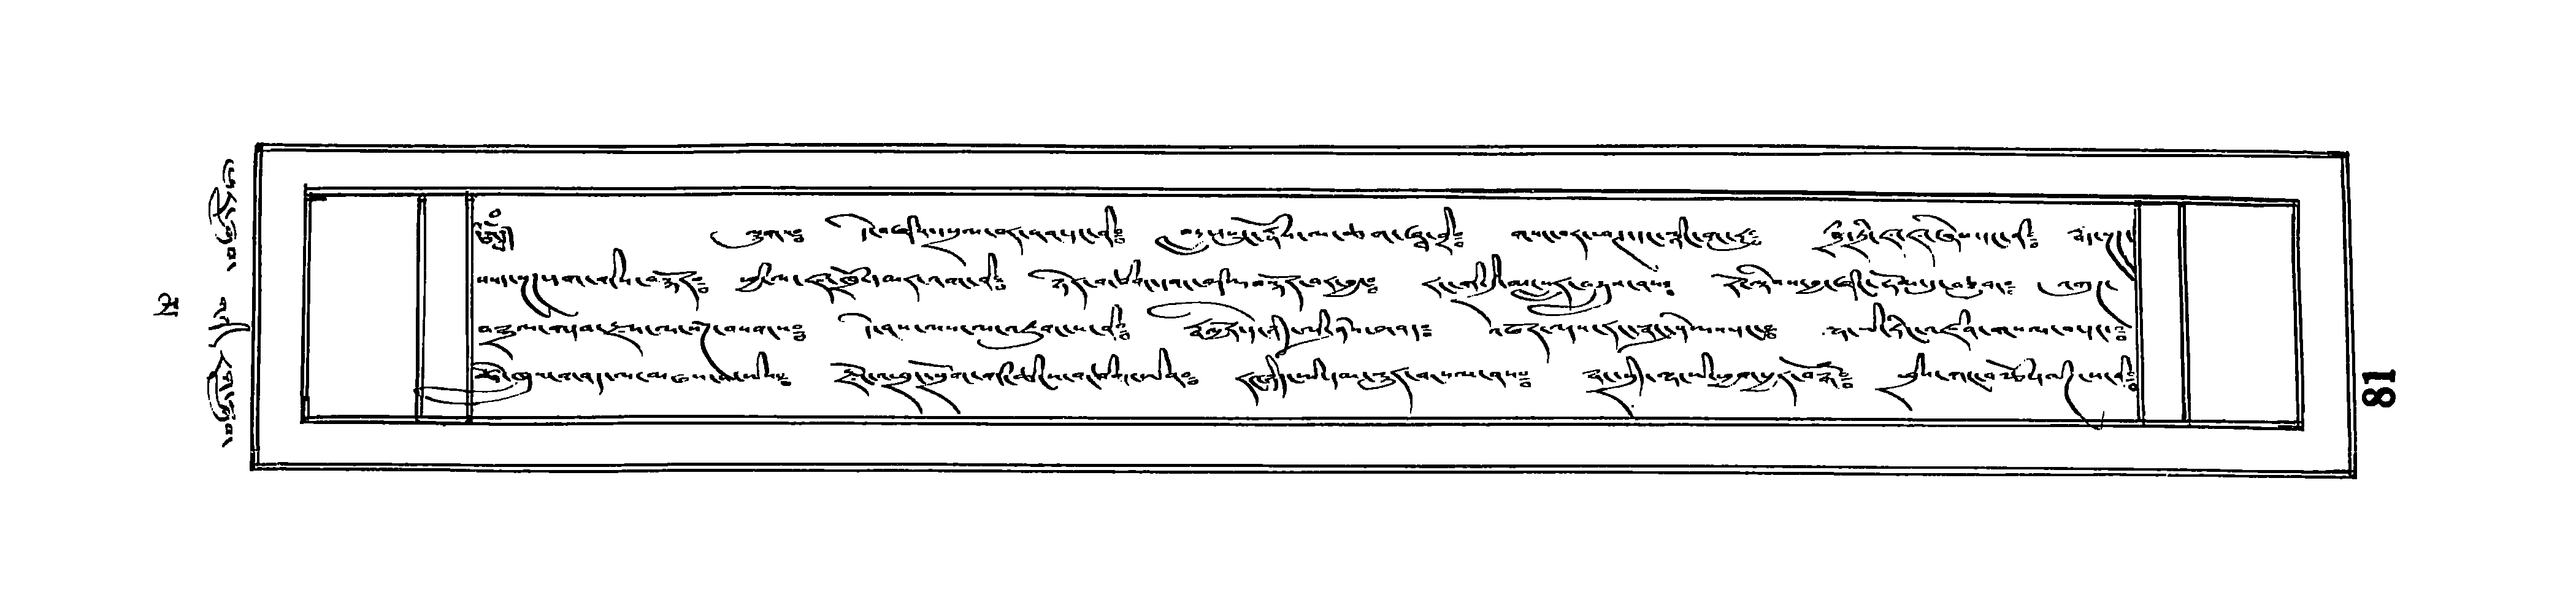ལྐུགས༔ དེ་བཞིན་དཔྲལ་བར་ནན་དང་ནི༔ བརླ་དཔུང་རྣམས་ལ་ཆག་ཞྭ་བྲི༔ གསང་བར་ཕཊ་དག་སྙིང་ག་རུ༔ ནྲྀ་ཏྲི་ཛ་ཛ་ཞེས་དང་ནི༔ རྦད་སྔགས་
བསད་སྔགས་དག་གིས་བསྐོར༔ ཕྱི་ལ་ཛ་ཁྲམ་དམར་ནག་ནི༔ ཉེར་གཅིག་བདག་གིས་བསྐོར་བར་བྱ༔ རང་གི་དྲི་མ་སླར་བཀྲུས་ནས༔ རོ་ལྟེབས་བྱ་ཞིག་ཧོམ་དུ་བཅུག༔ འགུགས་
བསྒྲལ་གདབ་རྫས་ལ་སོགས་བསགས༔ དེ་ནས་ལས་ལ་འཇུག་པ་ནི༔ རྣལ་འབྱོར་དེ་ཉིད་འདི་ཤེས་གནད༔ འཁོར་འདས་རང་སྣང་ཤེས་པ་དང༔ ལྷ་ཡི་ཏིང་འཛིན་གསལ་བ་དང༔ 
ཚེ་ཁྲུས་གནད་ལ་མཁས་པ་ཡིས༔ རྫོང་འཕྲང་སྲོག་གི་ཆིངས་ཅིག་ཡིན༔ རང་ཉིད་ཡི་དམ་སྐུར་གསལ་ནས༔ སྣང་སྲིད་ལྷ་ཡིས་ཕྱག་རྒྱར་བསྒོམ༔ ཕྲིན་ལས་གང་བརྩམས་དམིགས་པ་ནི༔